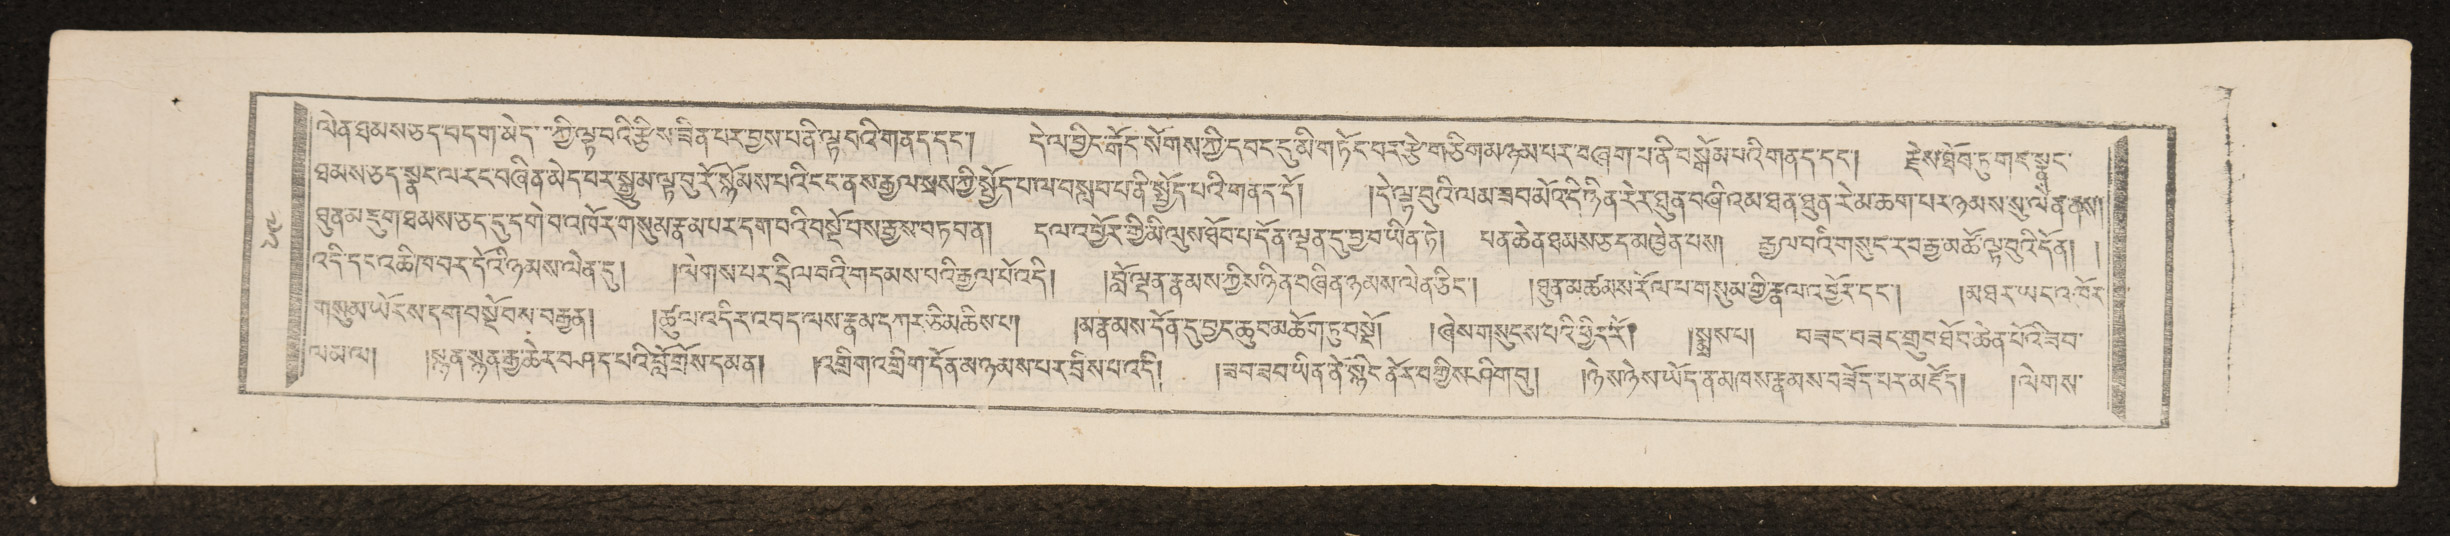ལེན་ཐམས་ཅད་བདག་མེད་ཀྱི་ལྟ་བའི་རྩིས་ཟིན་པར་བྱས་པ་ནི་ལྟ་བའི་གནད་དང་། དེ་ལ་བྱིང་རྒོད་སོགས་ཀྱི་དབང་དུ་མི་གཏོང་པར་རྩེ་གཅིག་མཉམ་པར་བཞག་པ་ནི་བསྒོམ་པའི་གནད་དང་། རྗེས་ཐོབ་ཏུ་གང་སྣང་
ཐམས་ཅད་སྣང་ལ་རང་བཞིན་མེད་པར་སྒྱུ་མ་ལྟ་བུ་རོ་སྙོམས་པའི་ངང་ནས་རྒྱལ་སྲས་ཀྱི་སྤྱོད་པ་ལ་བསླབ་པ་ནི་སྤྱོད་པའི་གནད་དོ། །དེ་ལྟ་བུའི་ལམ་ཟབ་མོ་འདི་ཉིན་རེར་ཐུན་བཞི་འམ་ཐན་ཐུན་རེ་མ་ཆག་པར་ཉམས་སུ་ལེན་ནས།
ཐུན་མཇུག་ཐམས་ཅད་དུ་དགེ་བ་འཁོར་གསུམ་རྣམ་པར་དག་པའི་བསྔོ་བས་རྒྱས་བཏབ་ན། དལ་འབྱོར་གྱི་མི་ལུས་ཐོབ་པ་དོན་ལྡན་དུ་བྱ་བ་ཡིན་ཏེ། པན་ཆེན་ཐམས་ཅད་མཁྱེན་པས། རྒྱལ་བའི་གསུང་རབ་རྒྱ་མཚོ་ལྟ་བུའི་དོན། །
འདི་དང་འཆི་ཁ་བར་དོའི་ཉམས་ལེན་དུ། །ལེགས་པར་དྲིལ་བའི་གདམས་པའི་རྒྱལ་པོ་འདི། །བློ་ལྡན་རྣམས་ཀྱིས་ཉིན་བཞིན་ཉམས་ལེན་ཅིང་། །ཐུན་མཚམས་རོལ་པ་གསུམ་གྱི་རྣལ་འབྱོར་དང་། །མཐར་ཡང་འཁོར་
གསུམ་ཡོངས་དག་བསྔོ་བས་བརྒྱན། །ཚུལ་འདིར་འབད་ལས་རྣམ་དཀར་ཅི་མཆིས་པ། །མ་རྣམས་དོན་དུ་བྱང་ཆུབ་མཆོག་ཏུ་བསྔོ། །ཞེས་གསུངས་པའི་ཕྱིར་རོ། །སྨྲས་པ། བཟང་བཟང་གྲུབ་ཐོབ་ཆེན་པོའི་ཟབ་
ལམ་ལ། །སྙན་སྙན་རྒྱ་ཆེར་བཤད་པའི་བློ་གྲོས་དམན། །འགྲིག་འགྲིག་དོན་མ་ཉམས་པར་བྲིས་པ་འདི། །ཟབ་ཟབ་ཡིན་ནོ་སྙིང་ནོར་བགྱིས་ཤིག་བུ། །ཉེས་ཉེས་ཡོད་ན་མཁས་རྣམས་བཟོད་པར་མཛོད། །ལེགས་